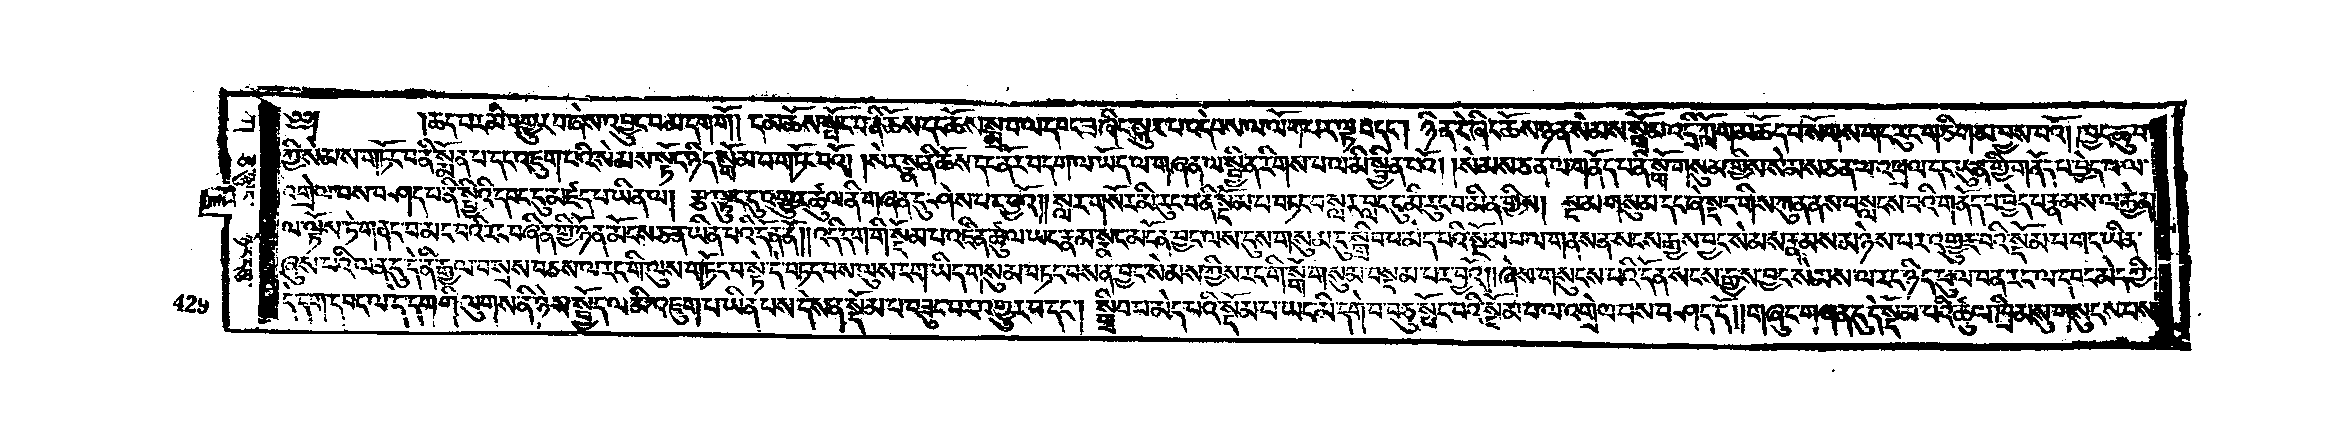༄༅། །ཆད་པར་མི་འགྱུར་བ་ཞེས་འབྱུང་བ་མ་དག་གོ། དམ་ཆོས་སྤོང་བ་ནི་ཆོས་དང་ཆོས་སྨྲ་བ་ལ་དབང་ཟ་ཞིང་སྐུར་བ་འདེབས་ལ་ལོག་པར་ལྟ་བ་དང་། ཉིན་རེ་ཞིང་ཆོས་ཉན་སེམས་སྒོམ་འདྲི་ཀློག་མཆོད་པ་སོགས་གང་རུང་གཅིག་མ་བྱས་པའོ། །བྱང་ཆུབ་
ཀྱི་སེམས་གཏོང་བ་ནི་སྨོན་པ་དང་འཇུག་པའི་སེམས་སྟོང་ཉིད་སྒོམ་པ་གཏོང་བའོ། །སེར་སྣ་ནི་ཆོས་དང་ནོར་བདག་ལ་ཡོད་ལ་གཞན་ལ་སྦྱིན་རིགས་པ་ལ་མི་སྦྱིན་པའོ། །སེམས་ཅན་ལ་གནོད་པ་ནི་སྒོ་གསུམ་གྱིས་སེམས་ཅན་ལ་འཕྲལ་དང་ཡུན་གྱི་གནོད་པ་བྱེད་པ་ལ་
འགྲེལ་བས་བཤད་པ་ནི་སྤྱིའི་དབང་དུ་མཛད་པ་ཡིན་ལ། རྩ་ལྟུང་དུ་འགྱུར་ཚུལ་ནི་གཞན་དུ་ཤེས་པར་བྱའོ། །སླར་གསོར་མི་རུང་བ་ནི་སྡོམ་པ་བཏང་བ་སླར་བླང་དུ་མི་རུང་བ་མིན་གྱིས། སྔ་མ་གསུམ་དང་ཞེ་སྡང་གིས་ཀུན་ནས་བསླངས་པའི་གནོད་པ་བྱེད་པ་རྣམས་ལ་རྐྱེན་
ལ་ལྟོས་ཏེ་གནང་བ་མང་བའི་རང་བཞིན་གྱི་ཉོན་མོངས་ཅན་ཡིན་པའི་དོན་ནོ། །འདི་དག་གི་སྡོམ་པ་འཛིན་ཚུལ་ཡང་རྣམ་སྣང་མངོན་བྱང་ལས་དུས་གསུམ་དུ་སྒྲིབ་པ་མེད་པའི་སྡོམ་པ་ལ་གནས་ན་སངས་རྒྱས་བྱང་སེམས་རྣམས་མཉེས་པར་འགྱུར་བའི་སྡོམ་པ་གང་ཡིན་
ཞུས་པའི་ལན་དུ་དེ་ནི་རྒྱལ་བ་སྲས་བཅས་ལ་རང་གི་ལུས་གཏོང་བ་སྟེ་དེ་བཏང་བས་ལུས་ངག་ཡིད་གསུམ་བཏང་བས་ན་བྱང་སེམས་ཀྱིས་རང་གི་སྒོ་གསུམ་བསྡམ་པར་བྱའོ། །ཞེས་གསུངས་པའི་དོན་སངས་རྒྱས་བྱང་སེམས་ལ་རང་ཉིད་ཕུལ་བ་ན་རང་ལ་དབང་མེད་ཀྱི་
དེ་དག་དབང་ལ་དེ་དག་གི་ལུགས་ནི་ཉེས་སྤྱོད་ལ་མི་འཇུག་པ་ཡིན་པས་དེས་ན་སྡོམ་པ་བཟུང་བར་འགྱུར་བ་དང་། སྒྲིབ་པ་མེད་པའི་སྡོམ་པ་ཡང་མི་དགེ་བ་བཅུ་སྤོང་བའི་སྡོམ་པ་ལ་འགྲེལ་པས་བཤད་དོ། །གཞུང་གཞན་དུ་དེ་སྡོམ་པའི་ཚུལ་ཁྲིམས་སུ་གསུངས་པས་